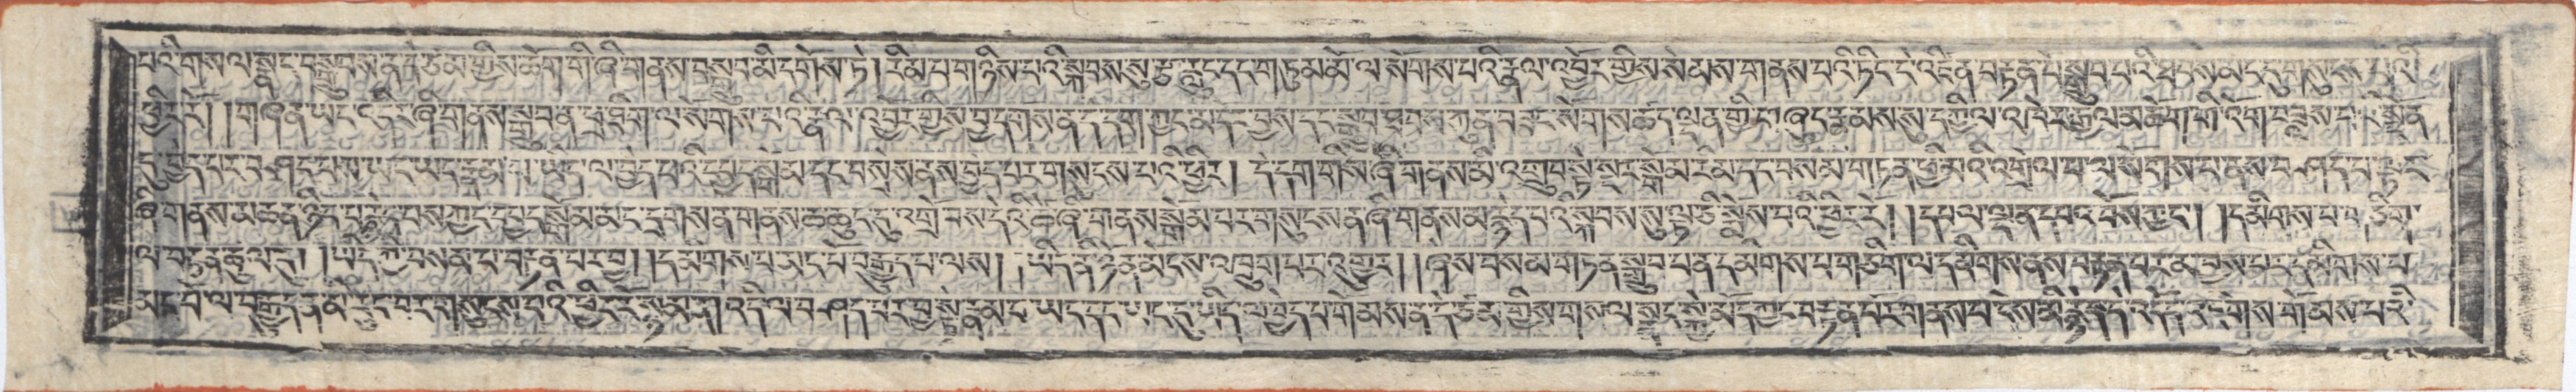པའི་གསལ་སྣང་བསྒྲུབས་ན་དེ་ཙམ་གྱིས་ཆོག་གི་ཞི་གནས་བསྒྲུབ་མི་དགོས་ཏེ། རིམ་པ་གཉིས་པའི་སྐབས་སུ་རྩ་རླུང་དང་གཏུམ་མོ་ལ་སོགས་པའི་རྣལ་འབྱོར་གྱིས་སེམས་གནས་པའི་ཏིང་ངེ་འཛིན་བརྟན་པོ་སྒྲུབ་པའི་ཐབས་མང་དུ་གསུངས་པའི་
ཕྱིར་རོ། །གཞན་ཡང་འདིར་ཞི་གནས་སྒྲུབ་ན་ཕྲ་ཐིག་ལ་སོགས་པའི་རྣལ་འབྱོར་གྱིས་བྱ་དགོས་ན་དེ་དག་ཀྱང་མདོར་བྱས་དང་སྒྲུབ་ཐབས་ཀུན་བཟང་སོགས་ཚད་ལྡན་གྱི་གཞུང་རྣམས་སུ་དཀྱིལ་འཁོར་རྒྱལ་མཆོག་གི་འོག་བཟླས་པའི་སྔོན་
དུ་བྱེད་པར་བཤད་པས་ཡང་ཡང་རྣམ་པ་ཡིད་ལ་བྱེད་པའི་དཔྱད་སྒོམ་དང་བསྲེས་ནས་བྱེད་པར་གསུངས་པའི་ཕྱིར། དེ་དག་གིས་ཞི་གནས་མི་འགྲུབ་སྟེ་སྔར་སྒོམ་རིམ་དང་བསམ་གཏན་ཕྱི་མའི་འགྲེལ་པ་ལ་སོགས་པ་ནས་བཤད་པ་ལྟར་
ཞི་གནས་མཚན་ཉིད་པ་རྙེད་པས་ཀྱང་དཔྱད་སྒོམ་མང་དྲགས་ན་གནས་ཆ་ཆུང་དུ་འགྲོ་བས་དེའི་ཚེ་ཞི་གནས་སྒོམ་པར་གསུངས་ན་ཞི་གནས་མ་རྙེད་པའི་སྐབས་སུ་ལྟ་ཅི་སྨོས་པའི་ཕྱིར་རོ། །དཔལ་ལྡན་དཔའ་བོས་ཀྱང་། །དམིགས་པ་གཅིག་
ལ་བརྟན་ཚུལ་དུ། །ཡིད་ཀྱི་བསམ་པ་བརྟན་པར་བྱ། །དམིགས་པ་མང་པོ་བརྒྱུད་པ་ལས། །ཡིད་ནི་ཉོན་མོངས་འཁྲུག་པར་འགྱུར། །ཞེས་བསམ་གཏན་སྒྲུབ་པ་ན་དམིགས་པ་གཅིག་ལ་དམིགས་ནས་བརྟན་པར་མ་བྱས་པར་དམིགས་པ་
མང་པོ་ལ་བརྒྱུད་ན་མི་རུང་བར་གསུངས་པའི་ཕྱིར་རོ་སྙམ་ན། འདི་ལ་བཤད་པར་བྱ་སྟེ་རྣམ་པ་ཡང་དང་ཡང་དུ་ཡིད་ལ་བྱེད་པ་གོམས་ན་དེ་ཙམ་གྱིས་གསལ་སྣང་སྐྱེ་མོད་ཀྱང་བརྟན་པོར་གནས་པ་དེས་མི་རྙེད་དེ་འདོད་འཇིགས་གོམས་པའི་